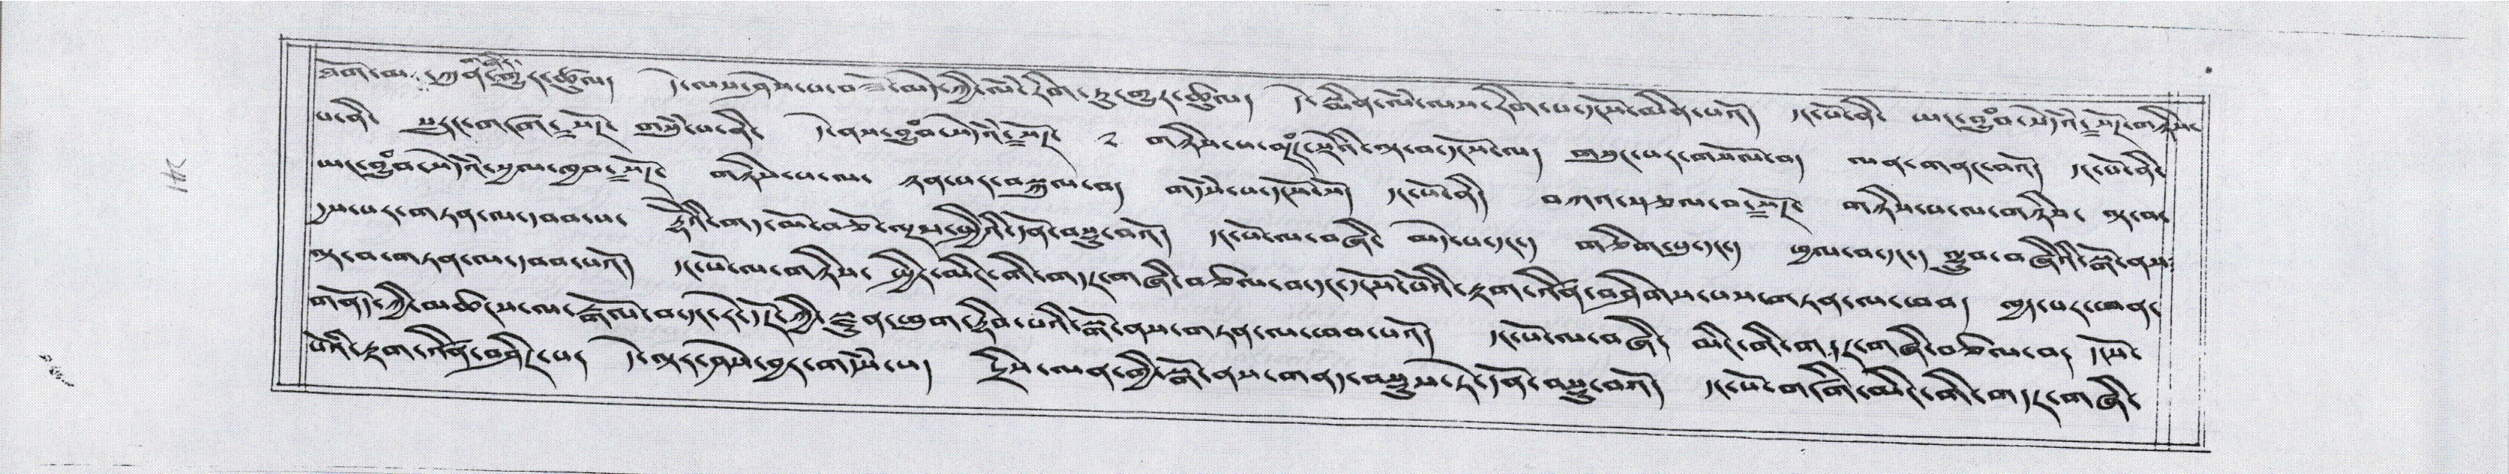ཐོག་མར་ཀུན་གཞིར་གྱུར་ཚུལ། དེ་ལས་ཤེས་པ་བཟོ་མེད་ཀྱི་ལམ་རིག་ཏུ་གྱུར་ཚུལ། དེ་སྨིན་ལམ་ལས་རིག་པ་དངོས་མིན་པའོ། དང་པོ་ནི། ཡང་བྱང་ཆུབ་སེམས་དཔའ་སོགས་གཉིས་
པ་ནི། སླར་ཡང་གང་ཟག་སོགས། གསུམ་པ་ནི། དེ་ནས་བྱང་ཆུབ་སེམས་དཔའ་སོགས། ༧ གཉིས་པ་མན་ངག་སྡེའི་ལྟ་བ་དངོས་ལ། གསུང་བར་གསོལ་བ། ལན་གནང་བའོ། དང་པོ་ནི། 
ཡང་བྱང་ཆུབ་སེམས་དཔའ་གསལ་ཁྱབ་སོགས། གཉིས་པ་ལ། ཉན་པར་བསྐུལ་བ། གདམས་པ་དངོས་སོ། དང་པོ་ནི། བཀའ་སྩལ་བ་སོགས། གཉིས་པ་ལ་གཉིས། ལྟ་བ་
རྒྱས་པར་གཏན་ལ་དབབ་པ། རྡོ་རྗེའི་གད་མོ་བཅོ་ལྟས་སྤྱིའི་དོན་བསྡུ་བའོ། དང་པོ་ལ་བཞི། མེད་པ་དང། གཅིག་པུ་དང། ཕྱལ་བ་དང། ལྷུན་གྲུབ་བཞིའི་སྒོ་ནས་
ལྟ་བ་གཏན་ལ་དབབ་པའོ། དང་པོ་ལ་གཉིས། སྤྱིར་མིང་གི་གདགས་གཞི་བཙལ་བ་དང་དངོས་པོའི་རྟག་འཛིན་བཤིགས་པས་གཏན་ལ་ཕབ། ཁྱད་པར་ཕན་
གནོད་ཀྱི་མཚངས་ལ་རྒོལ་བ་དང་རེ་དོགས་ཀྱི་རྫུན་ཕུག་རྡོབ་པའི་སྒོ་ནས་གཏན་ལ་ཕབ་པའོ། དང་པོ་ལ་བཞི། མིང་གི་གདགས་གཞི་བཙལ་བ། དངོས་
པོའི་རྟག་འཛིན་བཤིགས་པ། དེ་ལྟར་ཤེས་བྱར་གདམས་པ། དྲིས་ལན་གྱི་སྒོ་ནས་གནད་བསྡུས་ཏེ་དོན་བསྡུ་བའོ། དང་པོ་གང་ཟག་གི་མིང་གི་གདགས་གཞི་